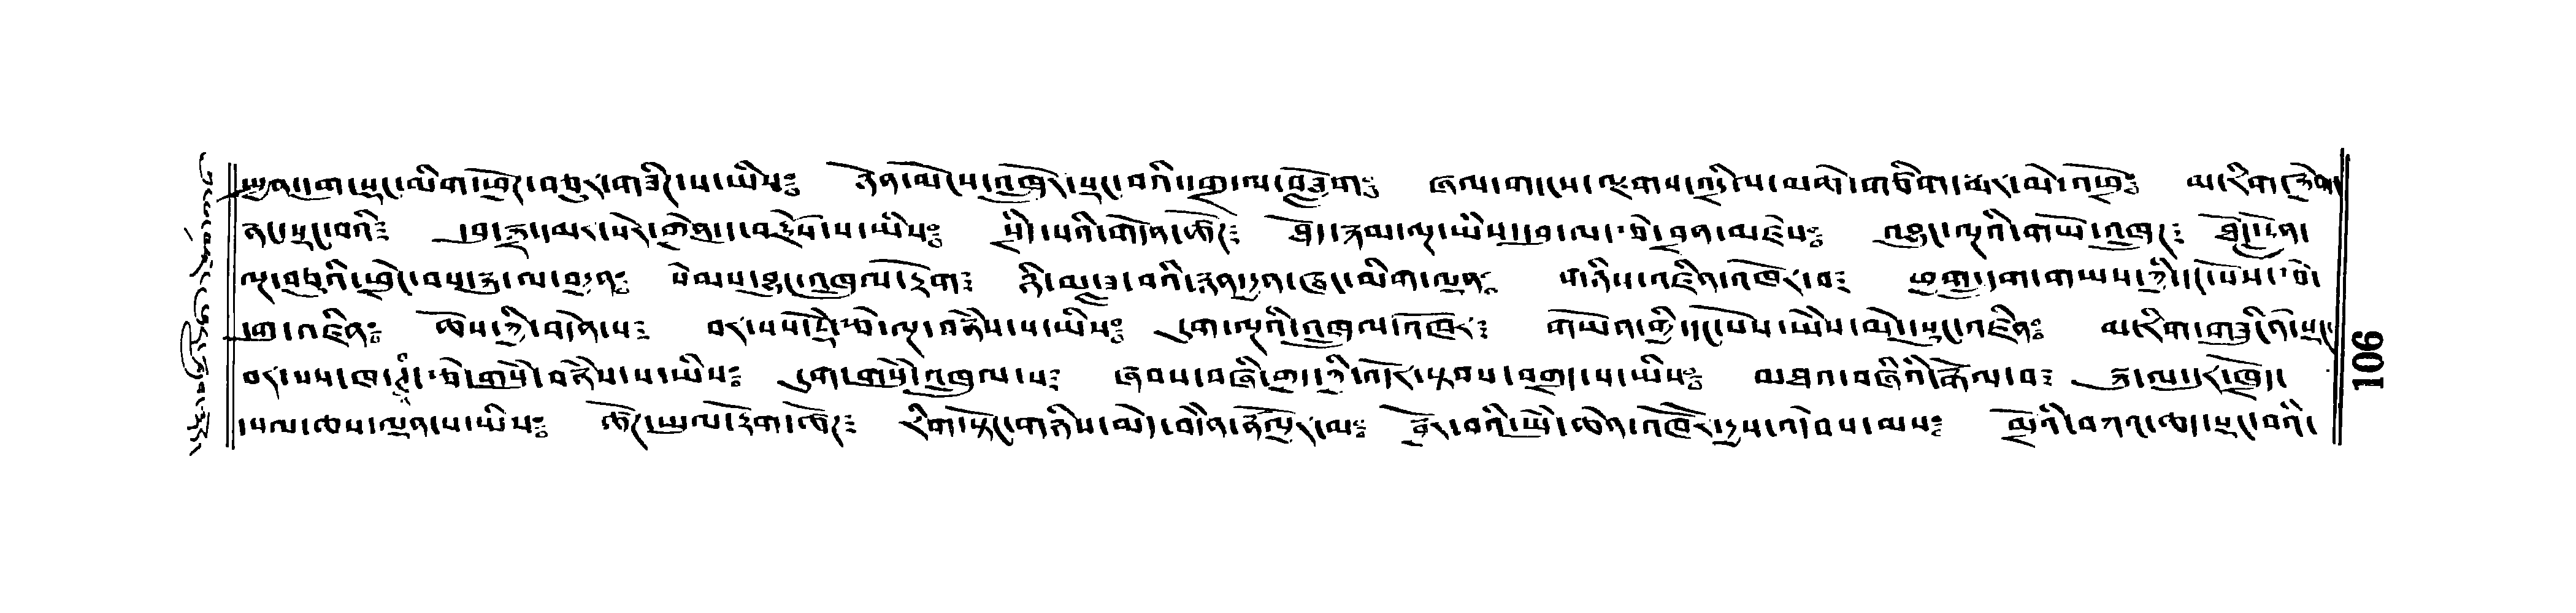སྤྱན་དགུ་སྡང་མིག་ཕྱོགས་བཅུར་གཟིགས་པ་ཡིས༔ ཉོན་མོངས་འཁྲུལ་འཁོར་སྡང་བའི་དགྲ་ལ་བཟློག༔ ཞལ་གདངས་ལྗགས་འདྲིལ་མཆེ་གཙིགས་སྨར་མེ་འཕྲོ༔ མ་རིག་རྐྱེན་
སྣང་སྡང་བའི༴ དབུ་སྐྲ་དམར་སེར་གྱེན་དུ་བརྫེས་པ་ཡིས༔ སྲིད་པའི་གདོན་ཚོགས༴ ཐོད་སྐམ་ལྔ་ཡིས་དབུ་ལ་རྩེ་བྲན་མཛེས༔ འབྱུང་ལྔའི་གཡོ་འཁྲུགས༴ ཐོད་རློན་
ལྔ་བཅུའི་ཕྲེང་བས་སྐུ་ལ་བརྒྱན༔ སེམས་བྱུང་འཁྲུལ་རྟོག༴ ཉི་མ་ཟླ་བའི་སྙན་རྒྱན་ཝང་མིག་ལྡན༔ གཉིས་འཛིན་འཁོར་བ༴ ཕྱག་དྲུག་གཡས་ཀྱི་དང་པོས་རྩེ་
དགུ་འཛིན༔ ཆོས་ཀྱི་བདེན་པ༴ བར་པས་རྡོ་རྗེ་རྩེ་ལྔ་བསྣམས་པ་ཡིས༔ དུག་ལྔའི་འཁྲུལ་འཁོར༴གཡོན་གྱི་དང་པོས་ཡེ་ཤེས་མེ་དཔུང་འཛིན༔ མ་རིག་གཟུང་འཛིན༴ 
བར་པས་ཁ་ཊྭཱཾ་རྩེ་གསུམ་བསྣམས་པ་ཡིས༔ དུག་གསུམ་འཁྲུལ་པ༴ ཞབས་བཞི་གྱད་ཀྱི་འདོར་སྟབས་བགྲད་པ་ཡིས༔ མཐའ་བཞིའི་རྒོལ་བ༴ སྐུ་ལ་དུར་ཁྲོད་
དཔལ་ཆས་ལྡན་པ་ཡིས༔ ཚོགས་ཡུལ་རྟོག་ཚོགས༴ རིག་སྟོང་གཉིས་མེད་བདེ་ཆེན་རྣལ་འབྱོར་མ༔ སྦྱོར་བའི་ཡུམ་ཆེན་འཁོར་ལོ་རྒྱས་འདེབས་མས༔ མཁའ་འགྲོའི་བཀའ་ཆད་སྡང་བའི་